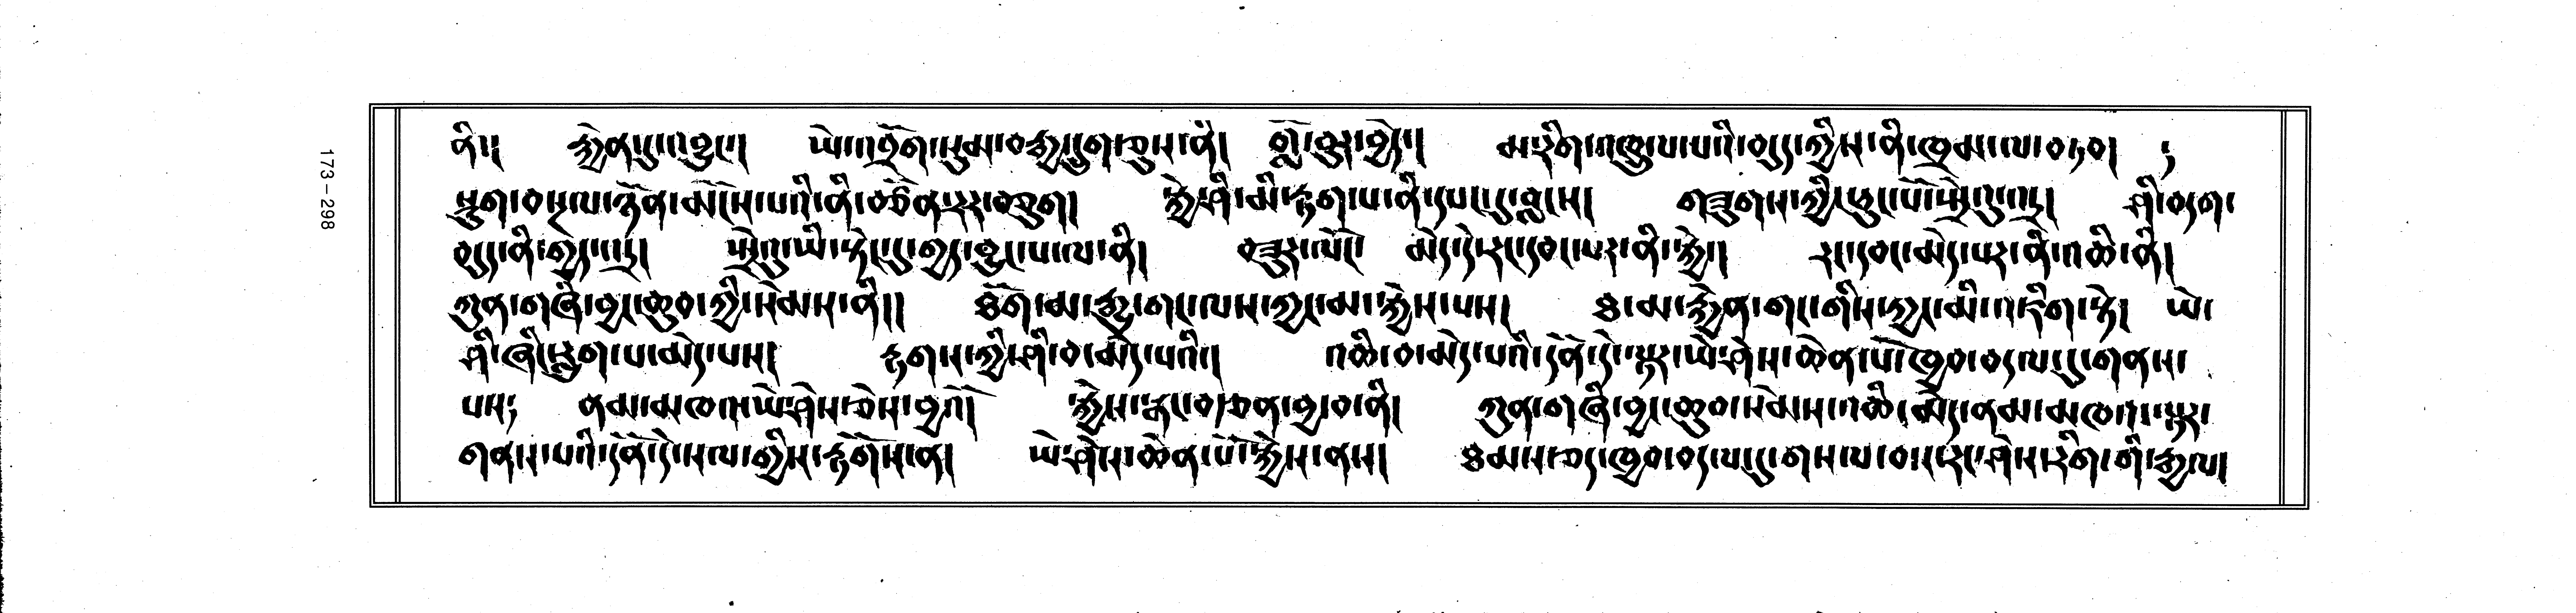ནི་རྐྱེན་དུ་བྱུང་། ཡེ་འབྲོག་སུམ་བརྒྱ་དྲུག་ཅུས་ནི་གློ་བུར་བྱེད། མ་རིག་འཁྲུལ་པའི་བདུད་ཀྱིས་ནི་ཁྲམ་ལ་བཏབ། 
སྡུག་བསྔལ་ཉོན་མོངས་པ་ནི་བཙོན་རྭར་བཅུག སྐྱེ་ཤི་མི་རྟག་པ་ནི་པང་དུ་བླངས། གཟུགས་ཀྱི་ཕུང་པོ་སྤྲེའུ་འདྲ། ཤི་བདག་
བདུད་ནི་གྱད་འདྲ། སྤྲེའུ་ཡི་སྟེང་དུ་གྱད་བྱུང་བ་ལ་ནི། གཟུར་ལོང་མེད་དེ་རང་དབང་བར་ནི་སྐྱེ། རང་དབང་མེད་པར་ནི་འཆི་ནི། 
ཀུན་གཞི་བྱང་ཆུབ་ཀྱི་སེམས་ནི། ཐོག་མ་རྒྱུ་གང་ལས་ཀྱང་མ་སྐྱེས་པས། ཐ་མ་རྐྱེན་གང་གིས་ཀྱང་མི་འཇིག་སྟེ། ཡེ་
ཤི་ཤིང་བརླགས་པ་མེད་པས། རྟགས་ཀྱི་ཤི་བ་མེད་པས། འཆི་བ་མེད་པའི་དོན་དེ་ལྟར་ཡེ་ཤེས་ཆེན་པོ་ཁྱབ་བདལ་དུ་གནས་
པས། ནམ་མཁའ་ཡེ་ཤེས་ཅེས་བྱའོ། །སྐྱེས་སྣང་བརྩན་བྱ་བ་ནི། ཀུན་གཞི་བྱང་ཆུབ་སེམས་འཆི་མེད་ནམ་མཁའ་ལྟར་
གནས་པའི་དོན་དེ་སལ་གྱིས་རྟོགས་ན། ཡེ་ཤེས་ཆེན་པོ་སྐྱེས་ནས། ཐམས་ཅད་ཁྱབ་བདལ་དུ་གསལ་བས་རང་ཤེས་རིག་རྒྱལ་